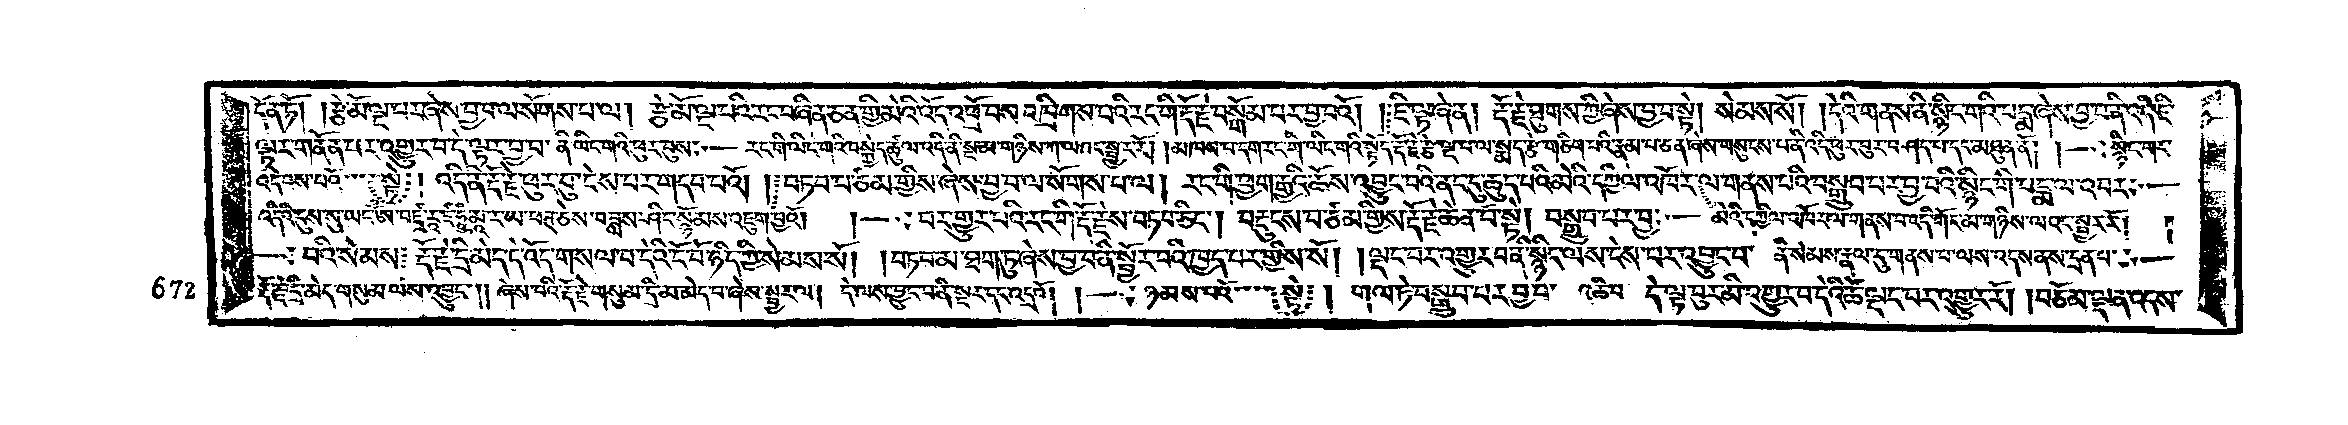དོན་ཏོ?། །རྩེ་མོ་ལྔ་པར་ཞེས་བྱ་བ་ལ་སོགས་པ་ལ། རྩེ་མོ་ལྔ་པའི་རང་བཞིན་ཅན་གྱི་མེའི་འོད་འཕྲོ་བས་འཁྲིགས་པའི་རང་གི་རྡོ་རྗེ་བསྒོམ་པར་བྱ་བའོ། །ཇི་ལྟ་ཞེ་ན། རྡོ་རྗེ་ཐུགས་ཀྱི་ཞེས་བྱ་བ་སྟེ། སེམས་སོ། །དེའི་གནས་ནི་སྙིང་གའི་པདམ་ཞེས་བྱ་བ་ནི་འདི་ཇི་
ལྟར་གནོན་པར་འགྱུར་བ་དེ་ལྟར་བྱ་བ་ནི་ལིང་གའི་ཕུར་བུསཿ་རང་གི་ལིང་གའི་བསྐྱེད་ཚུལ་འདི་ནི་སྔ་མ་གཉིས་ཀ་ལའང་སྦྱར་རོ། །མཁས་པ་དག་རང་གི་ལིང་གའི་སྟོད་རྡོ་རྗེ་རྩེ་ལྔ་པ་ལ་སྨད་རྩེ་གཅིག་པའི་རྣམ་པ་ཅན་ཞེས་གསུངས་པ་ནི་འདི་ཕུར་བུར་བཤད་པ་དང་མཐུན་ནོ། །.H སྙིང་གར་
འདེབས་པའོ་སྟེ། འདི་ནི་རྡོ་རྗེ་ཕུར་བུ་ངེས་པར་གདབ་པའོ། །བཏབ་པ་ཙམ་གྱིས་ཞས་བྱ་བ་ལ་སོགས་པ་ལ། རང་གི་ཕྱག་རྒྱའི་ཆོས་འབྱུང་བའི་ནང་དུ་ཆུད་པའི་མེའི་དཀྱིལ་འཁོར་ལ་གནས་པའི་བསྒྲུབ་པར་བྱ་བའི་སྙིང་གི་པདམ་འབརཿ
འདིའི་དུས་སུ་ཡང་ཨོཾ་བཛྲ་རཱ་ཛ་ཧཱུཾ་མཱ་ར་ཡ་ཕཊ་ཅེས་བཟླས་ཤིང་སྙོམས་འཇུག་བྱའོ། །  .Hབར་གྱུར་པའི་རང་གི་རྡོ་རྗེས་བཏབ་ཅིང་། བརྡུངས་བ་ཙམ་གྱིས་རྡོ་རྗེ་ཆེན་པོ་སྟེ། བསྒྲུབ་པར་བྱཿ་མེའི་དཀྱིལ་འཁོར་ལ་གནས་པ་འདི་གོང་མ་གཉིས་ལའང་སྦྱར་རོ། །
.Hབའི་སེམས་རྡོ་རྗེ་དྲི་མེད་དེ་འོད་གསལ་བ་དེའི་ངོ་བོ་ཉིད་ཀྱི་སེམས་སོ། །བཏབ་མ་ཐག་ཏུ་ཞེས་བྱ་བ་ནི་སྦྱོར་བའི་ཁྱད་པར་གྱིས་སོ། །ལྡང་བར་འགྱུར་བ་ནི་སྙིང་ལས་ངེས་པར་འབྱུང་བ་ནི་སེམས་རྣལ་དུ་གནས་པ་ལས་འདས་ནས་དྲན་པ་H.
རྡོ་རྗེ་དྲི་མེད་གསུམ་ལས་འབྱུང།།ཞེས་པའི་རྡོ་རྗེ་གསུམ་དྲི་མ་མེད་པ་ཞེས་སྦྱར་ལ། དེ་ལས་བྱུང་བ་ནི་སྔར་དང་འདྲའོ། ། .H ཉམས་པའོ་སྟེ། གལ་ཏེ་བསྒྲུབ་པར་བྱ་བ་འཆི་བ་དེ་ལྟ་བུར་མི་འགྱུར་བ་དེའི་ཚེ་ལྡང་བར་འགྱུར་རོ། །བཅོམ་ལྡན་འདས་